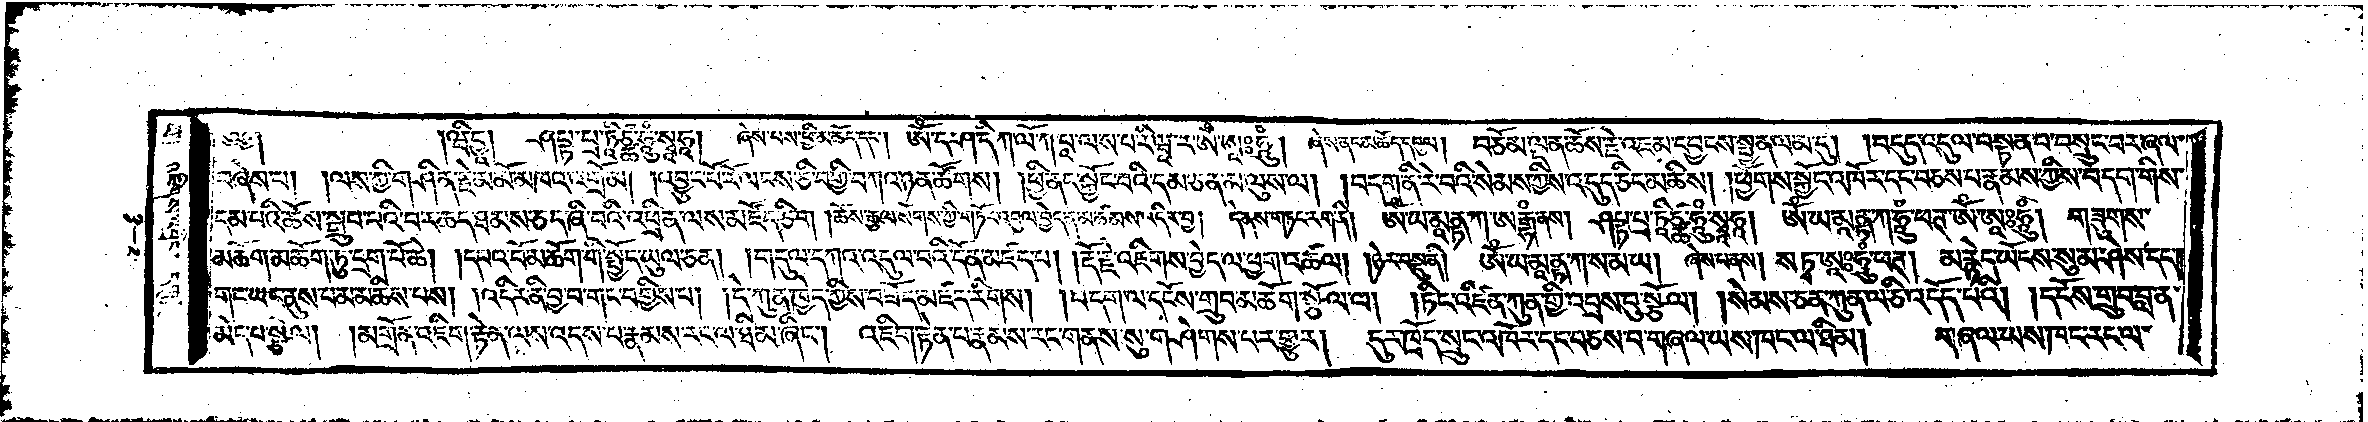༄༅། །ཝིདྱཱ། ཤཔྟ་པྲ་ཏཱི་ཙྪ་ཧཱུཾ་སྭཱཧཱ། ཞེས་པས་ཕྱི་མཆོད་དང་།  ཨོཾ་ད་ཤ་དིཀ་ལོ་ཀ་པཱ་ལས་པ་རི་ཝཱ་ར་ཨོཾ་ཨཱཿཧཱུཾ། ཞེས་ནང་མཆོད་དབུལ།  བཅོམ་ལྡན་ཆོས་རྗེ་འཇམ་དབྱངས་སྤྱན་ལམ་དུ། །བདུད་འདུལ་བསྟན་པ་བསྲུང་བར་ཞལ་
བཞེས་པ། །ལས་ཀྱི་གཤིན་རྗེ་མ་མོ་མཁའ་འགྲོ་མ། །འབྱུང་པོ་རོ་ལངས་ཅི་བགྱི་བཀའ་ཉན་ཚོགས། །ཕྱི་ནང་སྐྱོང་བའི་དམ་ཅན་མ་ལུས་ལ། །བདག་ནི་རེ་བའི་སེམས་ཀྱིས་འདུད་ཅིང་མཆིས། །ཕྱོགས་སྐྱོང་འཁོར་དང་བཅས་པ་རྣམས་ཀྱིས་བདག་གིས་
དམ་པའི་ཆོས་སྒྲུབ་པའི་བར་ཆད་ཐམས་ཅད་ཞི་བའི་འཕྲིན་ལས་མཛོད་ཅིག་།ཆོས་རྒྱལ་སོགས་ཀྱི་གཏོང་འབུལ་བྱེད་ན་མཚམས་འདིར་བྱ། དེ་ནས་གཏང་རག་ནི།  ཨོཾ་ཡ་མཱནྟ་ཀ་ཨརྒྷཾ་ནས། ཤཔྟ་པྲ་ཏཱི་ཙྪ་ཧཱུཾ་སྭཱཧཱ། ཨོཾ་ཡ་མཱནྟ་ཀ་ཧཱུཾ་ཕཌ་ཨོཾ་ཨཱཿཧཱུཾ། གཟུགས་
མཆོག་མཆོག་ཏུ་དྲག་པོ་ཆེ། །དཔའ་བོ་མཆོག་གི་སྦྱོད་ཡུལ་ཅན། །གདུལ་དཀའ་འདུལ་བའི་དོན་མཛད་པ། །རྡོ་རྗེ་འཇིགས་བྱེད་ལ་ཕྱག་འཚལ། །ཉེར་བསྡུ་ནི།  ཨོཾ་ཡ་མཱནྟ་ཀ་ས་མ་ཡ། ཞེས་པ་ནས།  སཏྭ་ཨཱཿཧཱུཾ་ཕཌ། མ་རྙེད་ཡོངས་སུ་མ་ཤེས་དང་།
གང་ཡང་ནུས་པ་མ་མཆིས་པས། །འདིར་ནི་བྱ་བ་གང་བགྱིས་པ། །དེ་ཀུན་ཁྱེད་ཀྱིས་བཟོད་མཛད་རིགས། །བདག་ལ་དངོས་གྲུབ་མཆོག་སྩོལ་ལ། །ཏིང་འཛིན་ཀུན་གྱི་འབྲས་བུ་སྩོལ། །སེམས་ཅན་ཀུན་ལ་ཅི་འདོད་པའི། །དངོས་གྲུབ་བླ་ན་
མེད་པ་སྩོལ། །མགྲོན་འཇིག་རྟེན་ལས་འདས་པ་རྣམས་རང་ལ་ཐིམ་ཞིང་། འཇིག་རྟེན་པ་རྣམས་རང་གནས་སུ་གཤེགས་པར་གྱུར། དུར་ཁྲོད་སྲུང་འཁོར་དང་བཅས་པ་གཞལ་ཡས་ཁང་ལ་ཐིམ། གཞལ་ཡས་ཁང་རང་ལ་